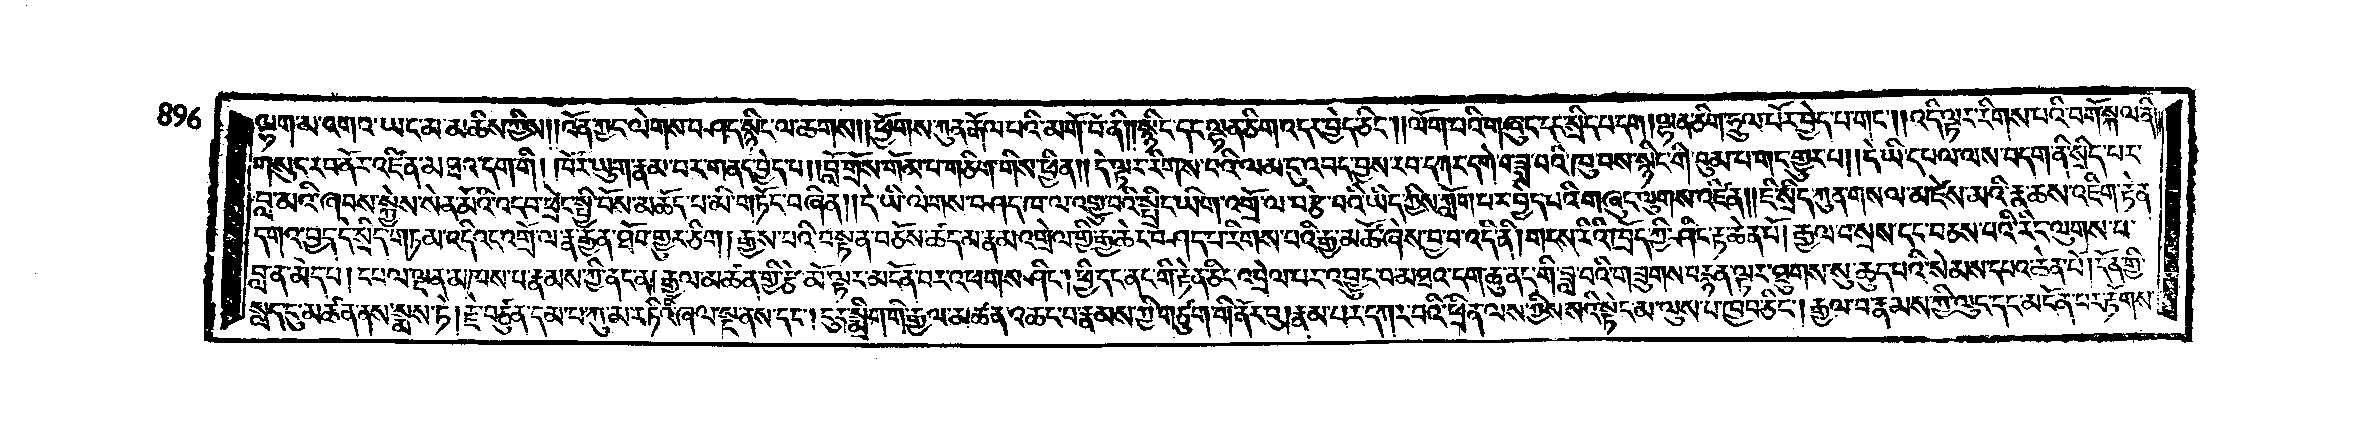ལྷག་མ་འགའ་ཡང་མ་མཆིས་ཀྱིས། །འོན་ཀྱང་ལེགས་བཤད་སྙིང་ལ་ཆགས། །ཕྱོགས་ཀུན་རྒོལ་པའི་མགོ་བོ་ནི། །སྙིང་དང་ལྷན་ཅིག་འདར་བྱེད་ཅིང་། །ལོག་པའི་གཞུང་དང་སྲིད་པ་དག །ལྷན་ཅིག་ཧྲུལ་པོར་བྱེད་པ་གང་། །འདི་ལྟར་རིགས་པའི་བགོ་སྐལ་ནི། །
གསུང་རབ་ནོར་འཛིན་མཐའ་དག་གི། ཁོར་ཡུག་རྣམ་པར་གནོད་བྱེད་པ། །བློ་གྲོས་གོམ་པ་གཅིག་གིས་ཕྱིན། །དེ་ལྟར་རིགས་པའི་ལམ་དུ་འབད་བྱས་རབ་དཀར་དགེ་བ་ཟླ་བའི་ཁུ་བས་སྙིང་གི་བུམ་པ་གང་གྱུར་པ། །དེ་ཡི་དཔལ་ལས་བདག་ནི་སྲིད་པར་
བླ་མའི་ཞབས་སྐྱེས་སེན་མོའི་འདབ་ཕྲེང་སྤྱི་བོས་མཆོད་པ་མི་གཏོང་བཞིན། །དེ་ཡི་ལེགས་བཤད་ཁ་ལ་འགྱུར་བའི་སྤྲིང་ཡིག་འགྲོ་ལ་བརྩེ་བའི་ཡིད་ཀྱིས་ཀློག་པར་བྱེད་པའི་གཞུང་ལུགས་འཛིན། །ཇི་སྲིད་ཀུན་གསལ་མཛེས་མའི་རྣ་ཆས་འཇིག་རྟེན་
དགའ་བྱེད་དེ་སྲིད་གཏམ་འདིའང་འགྲོ་ལ་རྣ་རྒྱན་ཐོབ་གྱུར་ཅིག །རྒྱས་པའི་བསྟན་བཅོས་ཚད་མ་རྣམ་འགྲེལ་གྱི་རྒྱ་ཆེར་བཤད་པ་རིགས་པའི་རྒྱ་མཚོ་ཞེས་བྱ་བ་འདི་ནི། གངས་རིའི་ཁྲོད་ཀྱི་ཤིང་རྟ་ཆེན་པོ། རྒྱལ་བ་སྲས་དང་བཅས་པའི་རིང་ལུགས་པ་
བླ་ན་མེད་པ། །དཔལ་ལྡན་མཁས་པ་རྣམས་ཀྱི་ནང་ན། རྒྱལ་མཚན་གྱི་རྩེ་མོ་ལྟར་མངོན་པར་འཕགས་ཤིང་། ཕྱི་དང་ནང་གི་རྟེན་ཅིང་འབྲེལ་བར་འབྱུང་བ་མཐའ་དག་ཆུ་ནང་གི་ཟླ་བའི་གཟུགས་བརྙན་ལྟར་ཐུགས་སུ་ཆུད་པའི་སེམས་དཔའ་ཆེན་པོ། དོན་གྱི་
སླད་དུ་མཚན་ནས་སྨས་ཏེ། རྗེ་བཙུན་དམ་པ་ཀུ་མ་ར་ཏིའི་ཞལ་སྔ་ནས་དང་། ངུར་སྨྲིག་གི་རྒྱལ་མཚན་འཆང་བ་རྣམས་ཀྱི་གཙུག་གི་ནོར་བུ། རྣམ་པར་དཀར་བའི་འཕྲིན་ལས་ཀྱིས་སའི་སྟེང་མ་ལུས་པ་ཁྱབ་ཅིང་། རྒྱལ་བ་རྣམས་ཀྱི་ལུང་དང་མངོན་པར་རྟོགས་